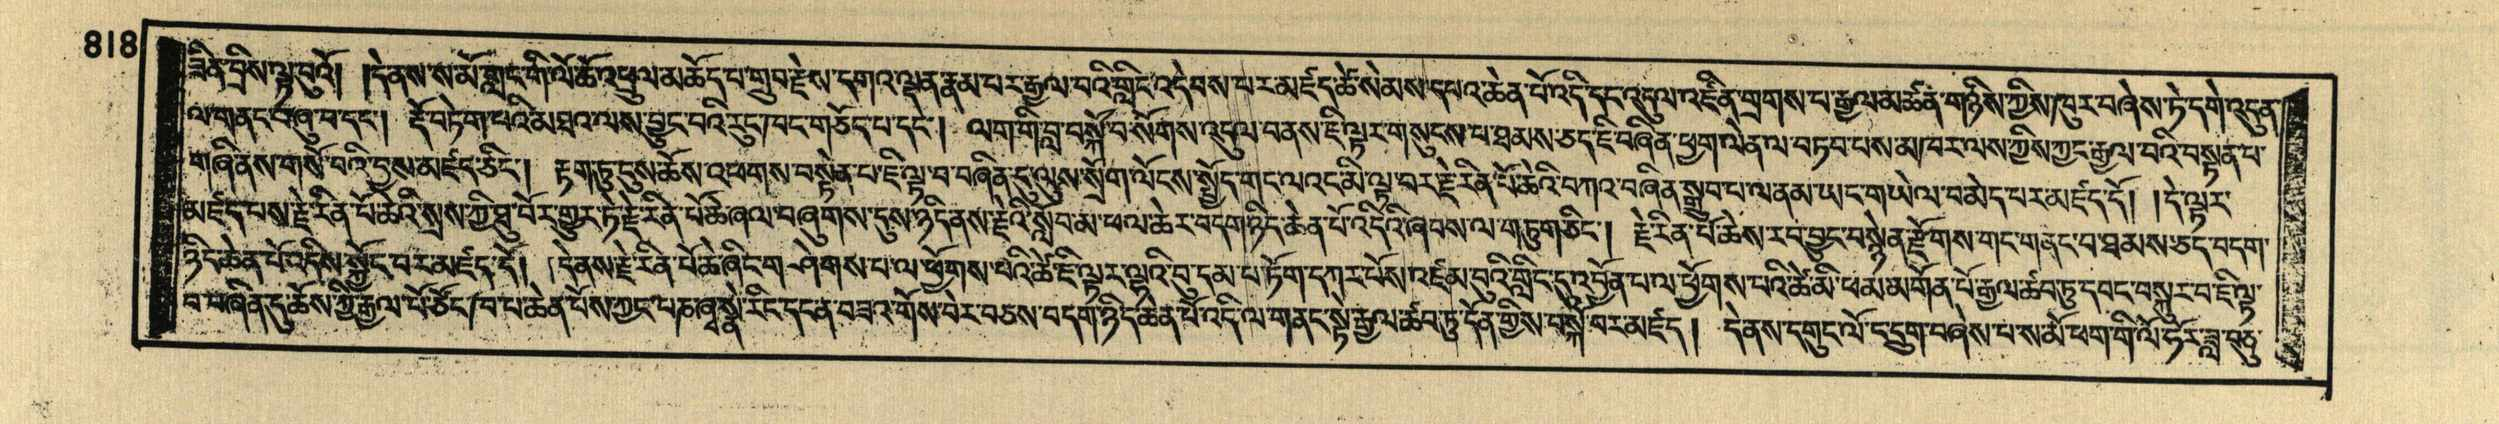ཟིན་བྲིས་ལྟ་བུའོ། །དེ་ནས་ས་མོ་གླང་གི་ལོ་ཆོ་འཕྲུལ་མཆོད་པ་གྲུབ་རྗེས་དགའ་ལྡན་རྣམ་པར་རྒྱལ་བའི་གླིང་འདེབས་པར་མཛད་ཚེ་སེམས་དཔའ་ཆེན་པོ་འདི་དང་འདུལ་འཛིན་གྲགས་པ་རྒྱལ་མཚན་གཉིས་ཀྱིས་ཁུར་བཞེས་ཏེ་དགེ་འདུན་
ལ་གནང་བཞུ་བ་དང་། རྡོ་བཏེག་པའི་མཐའ་ལས་བྱུང་བའི་རུང་ཁང་གཅོད་པ་དང་། ལག་གི་བླ་བསྐོ་བ་སོགས་འདུལ་བ་ནས་ཇི་ལྟར་གསུངས་པ་ཐམས་ཅད་ཇི་བཞིན་ཕྱག་ལེན་ལ་བཏབ་པས་མཁར་ལས་ཀྱིས་ཀྱང་རྒྱལ་བའི་བསྟན་པ་
གཞི་ནས་གསོ་བའི་བྱས་མཛད་ཅིང་། རྟག་ཏུ་དུས་ཆོས་འཕགས་བསྟེན་པ་ཇི་ལྟ་བ་བཞིན་དུ་ལུས་སྲོག་ལོངས་སྤྱོད་གང་ལའང་མི་ལྟ་བར་རྗེ་རིན་པོ་ཆེའི་བཀའ་བཞིན་སྒྲུབ་པ་ལ་ནམ་ཡང་གཡེལ་བ་མེད་པར་མཛད་དོ། །དེ་ལྟར་
མཛད་པས་རྗེ་རིན་པོ་ཆེའི་སྲས་ཀྱི་ཐུ་བོར་གྱུར་ཏེ་རྗེ་རིན་པོ་ཆེ་ཞལ་བཞུགས་དུས་ཉིད་ནས་རྗེའི་སློབ་མ་ཕལ་ཆེར་བདག་ཉིད་ཆེན་པོ་འདིའི་ཞབས་ལ་གཏུག་ཅིང་། རྗེ་རིན་པོ་ཆེས་རབ་བྱུང་བསྙེན་རྫོགས་གང་གནང་བ་ཐམས་ཅད་བདག་
ཉིད་ཆེན་པོ་འདིས་སྐྱོང་བར་མཛད་དོ། །དེ་ནས་རྗེ་རིན་པོ་ཆེ་ཞིང་གཤེགས་པ་ལ་ཕྱོགས་པའི་ཚེ་ཇི་ལྟར་ལྷའི་བུ་དམ་པ་ཏོག་དཀར་པོས་འཛམ་བུའི་གླིང་དུ་འབྱོན་པ་ལ་ཕྱོགས་པའི་ཚེ་མི་ཕམ་མགོན་པོ་རྒྱལ་ཚབ་ཏུ་དབང་བསྐུར་བ་ཇི་ལྟ་
བ་བཞིན་དུ་ཆོས་ཀྱི་རྒྱལ་པོ་ཙོང་ཁ་པ་ཆེན་པོས་ཀྱང་པཎ་ཞྭ་སྣེ་རིང་དང་ན་བཟའ་གོས་བེར་བཅས་བདག་ཉིད་ཆེན་པོ་འདི་ལ་གནང་སྟེ་རྒྱལ་ཚབ་ཏུ་དོན་གྱིས་བསྐོ་བར་མཛད། དེ་ནས་དགུང་ལོ་ང་དྲུག་བཞེས་པ་ས་མོ་ཕག་གི་ལོ་ཧོར་ཟླ་བཅུ་